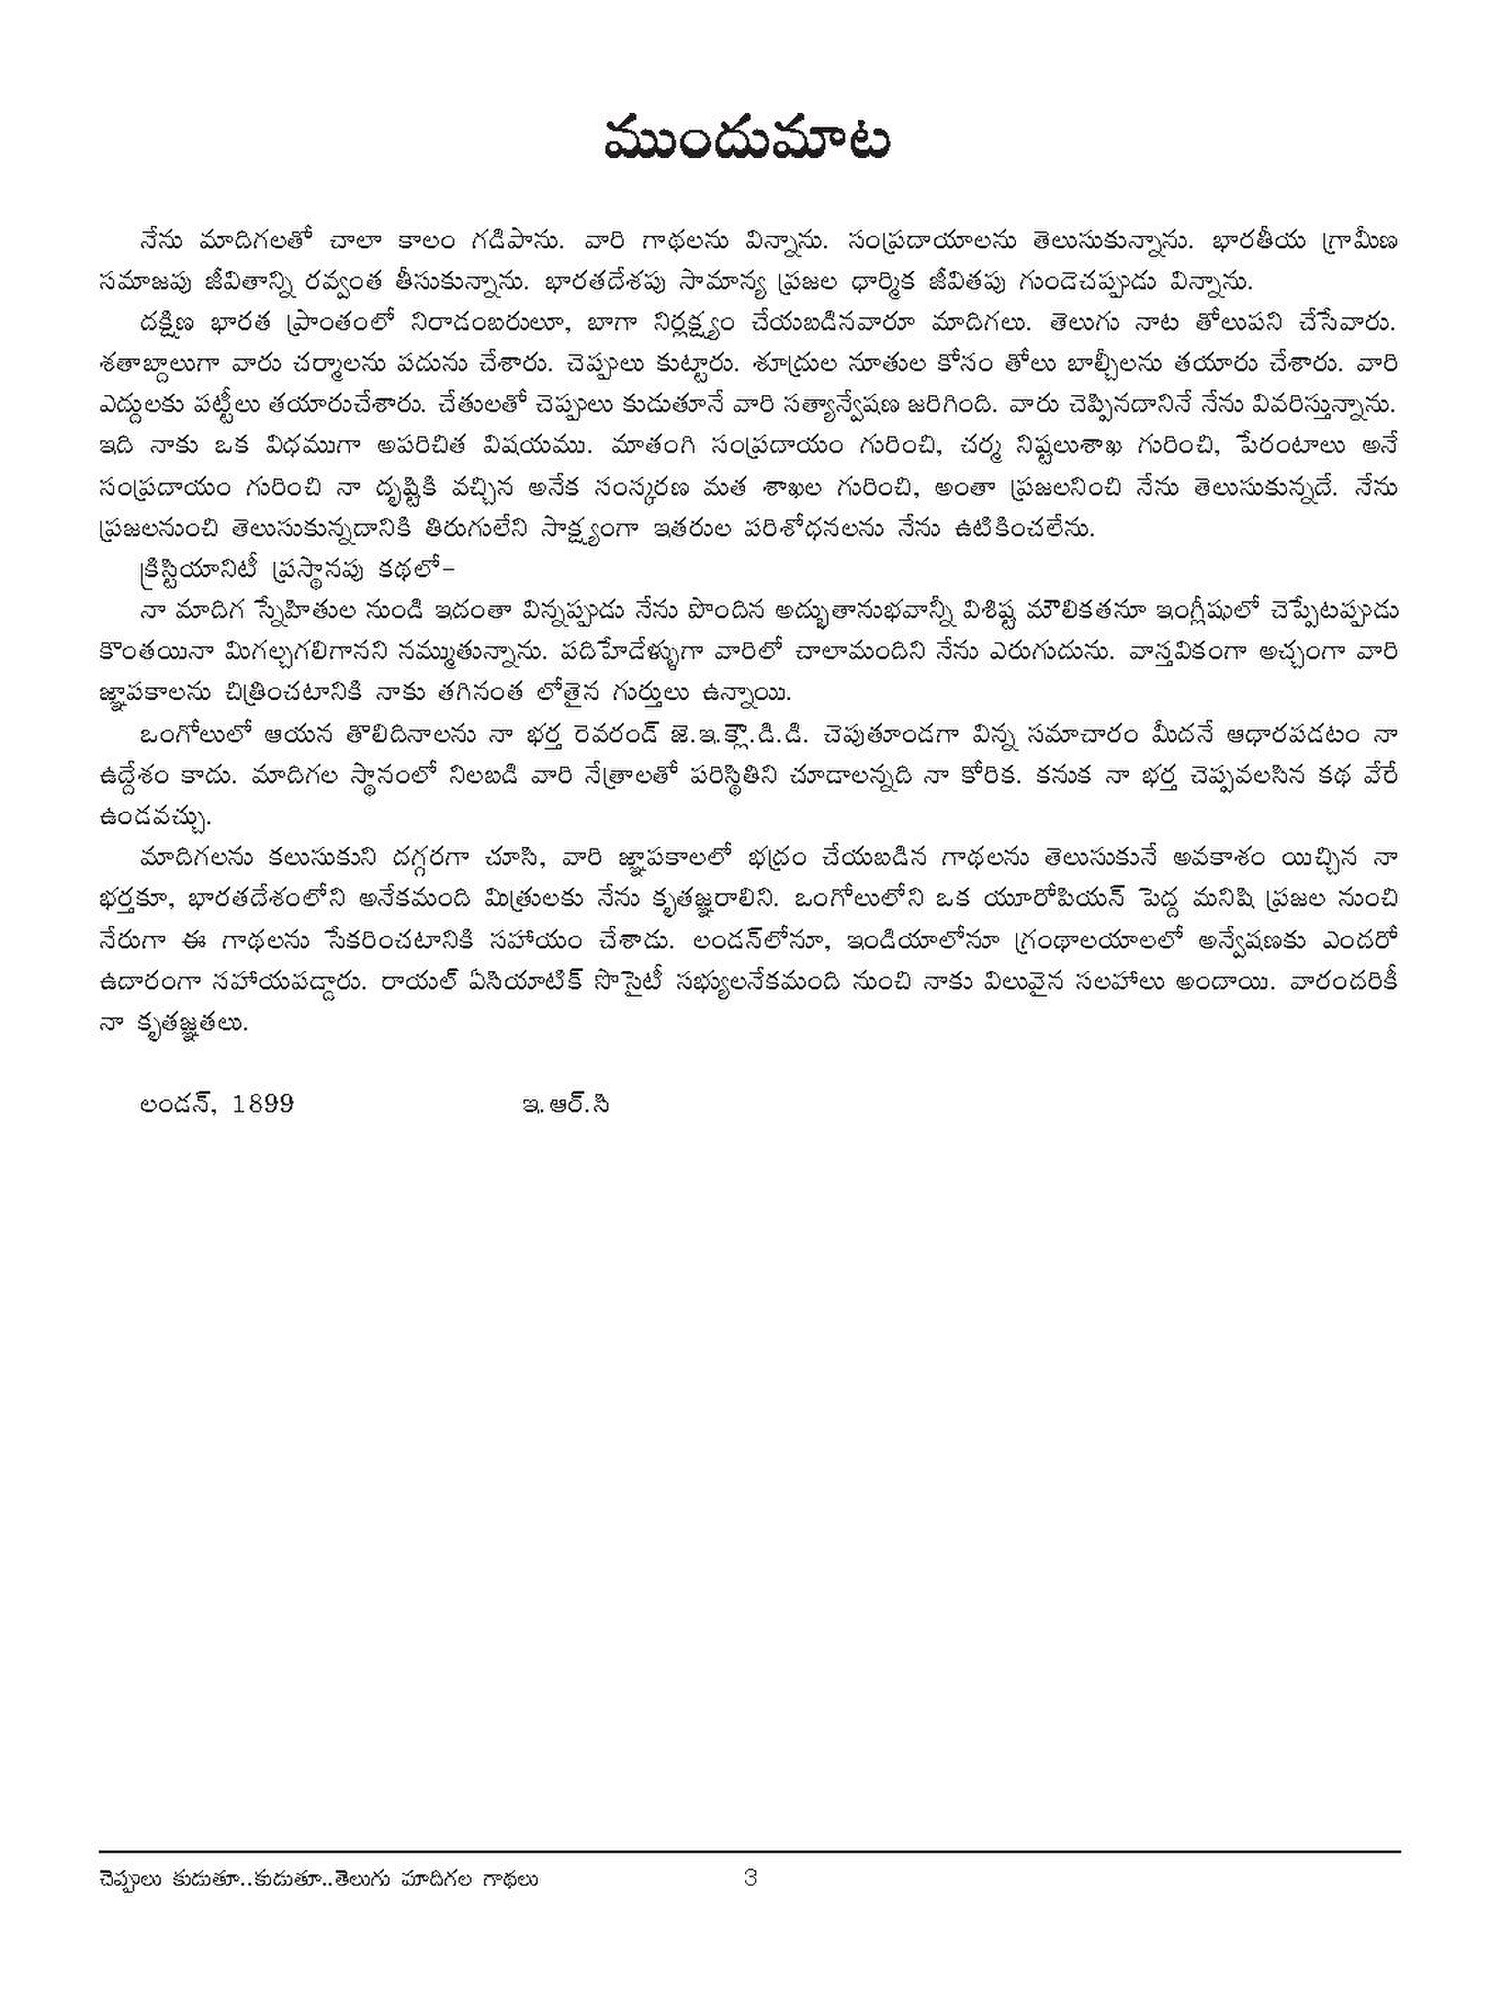ముందుమాట

నేను మాదిగలతో చాలా కాలం గడిపాను. వారి గాథలను విన్నాను. సంప్రదాయాలను తెలుసుకున్నాను. భారతీయ గ్రామీణ సమాజపు జీవితాన్ని రవ్వంత తీసుకున్నాను. భారతదేశపు సామాన్య ప్రజల ధార్మిక జీవితపు గుండెచప్పుడు విన్నాను.

దక్షిణ భారత ప్రాంతంలో నిరాడంబరులూ, బాగా నిర్లక్ష్యం చేయబడినవారూ మాదిగలు. తెలుగు నాట తోలుపని చేసేవారు. శతాబ్దాలుగా వారు చర్మాలను పదును చేశారు. చెప్పులు కుట్టారు. శూద్రుల నూతుల కోసం తోలు బాల్చీలను తయారు చేశారు. వారి ఎద్దులకు పట్టీలు తయారుచేశారు. చేతులతో చెప్పులు కుడుతూనే వారి సత్యాన్వేషణ జరిగింది. వారు చెప్పినదానినే నేను వివరిస్తున్నాను. ఇది నాకు ఒక విధముగా అపరిచిత విషయము. మాతంగి సంప్రదాయం గురించి, చర్మ నిష్టలుశాఖ గురించి, పేరంటాలు అనే సంప్రదాయం గురించి నా దృష్టికి వచ్చిన అనేక సంస్కరణ మత శాఖల గురించి, అంతా ప్రజలనించి నేను తెలుసుకున్నదే. నేను ప్రజలనుంచి తెలుసుకున్నదానికి తిరుగులేని సాక్ష్యంగా ఇతరుల పరిశోధనలను నేను ఉటికించలేను.

క్రిస్టియానిటీ ప్రస్థానపు కథలో-

నా మాదిగ స్నేహితుల నుండి ఇదంతా విన్నప్పుడు నేను పొందిన అద్భుతానుభవాన్నీ విశిష్ట మౌలికతనూ ఇంగ్లీషులో చెప్పేటప్పుడు కొంతయినా మిగల్చగలిగానని నమ్ముతున్నాను. పదిహేడేళ్ళుగా వారిలో చాలామందిని నేను ఎరుగుదును. వాస్తవికంగా అచ్చంగా వారి జ్ఞాపకాలను చిత్రించటానికి నాకు తగినంత లోతైన గుర్తులు ఉన్నాయి.

ఒంగోలులో ఆయన తొలిదినాలను నా భర్త రెవరండ్ జె.ఇ.క్లౌ. డి.డి. చెపుతూండగా విన్న సమాచారం మీదనే ఆధారపడటం నా ఉద్దేశం కాదు. మాదిగల స్థానంలో నిలబడి వారి నేత్రాలతో పరిస్థితిని చూడాలన్నది నా కోరిక. కనుక నా భర్త చెప్పవలసిన కథ వేరే ఉండవచ్చు.

మాదిగలను కలుసుకుని దగ్గరగా చూసి, వారి జ్ఞాపకాలలో భద్రం చేయబడిన గాథలను తెలుసుకునే అవకాశం యిచ్చిన నా భర్తకూ, భారతదేశంలోని అనేకమంది మిత్రులకు నేను కృతజ్ఞరాలిని. ఒంగోలులోని ఒక యూరోపియన్ పెద్ద మనిషి ప్రజల నుంచి నేరుగా ఈ గాథలను సేకరించటానికి సహాయం చేశాడు. లండన్‌లోనూ, ఇండియాలోనూ గ్రంథాలయాలలో అన్వేషణకు ఎందరో ఉదారంగా సహాయపడ్డారు.
రాయల్ ఏసియాటిక్ సొసైటీ సభ్యులనేకమంది నుంచి నాకు విలువైన సలహాలు అందాయి. వారందరికీ నా కృతజ్ఞతలు.